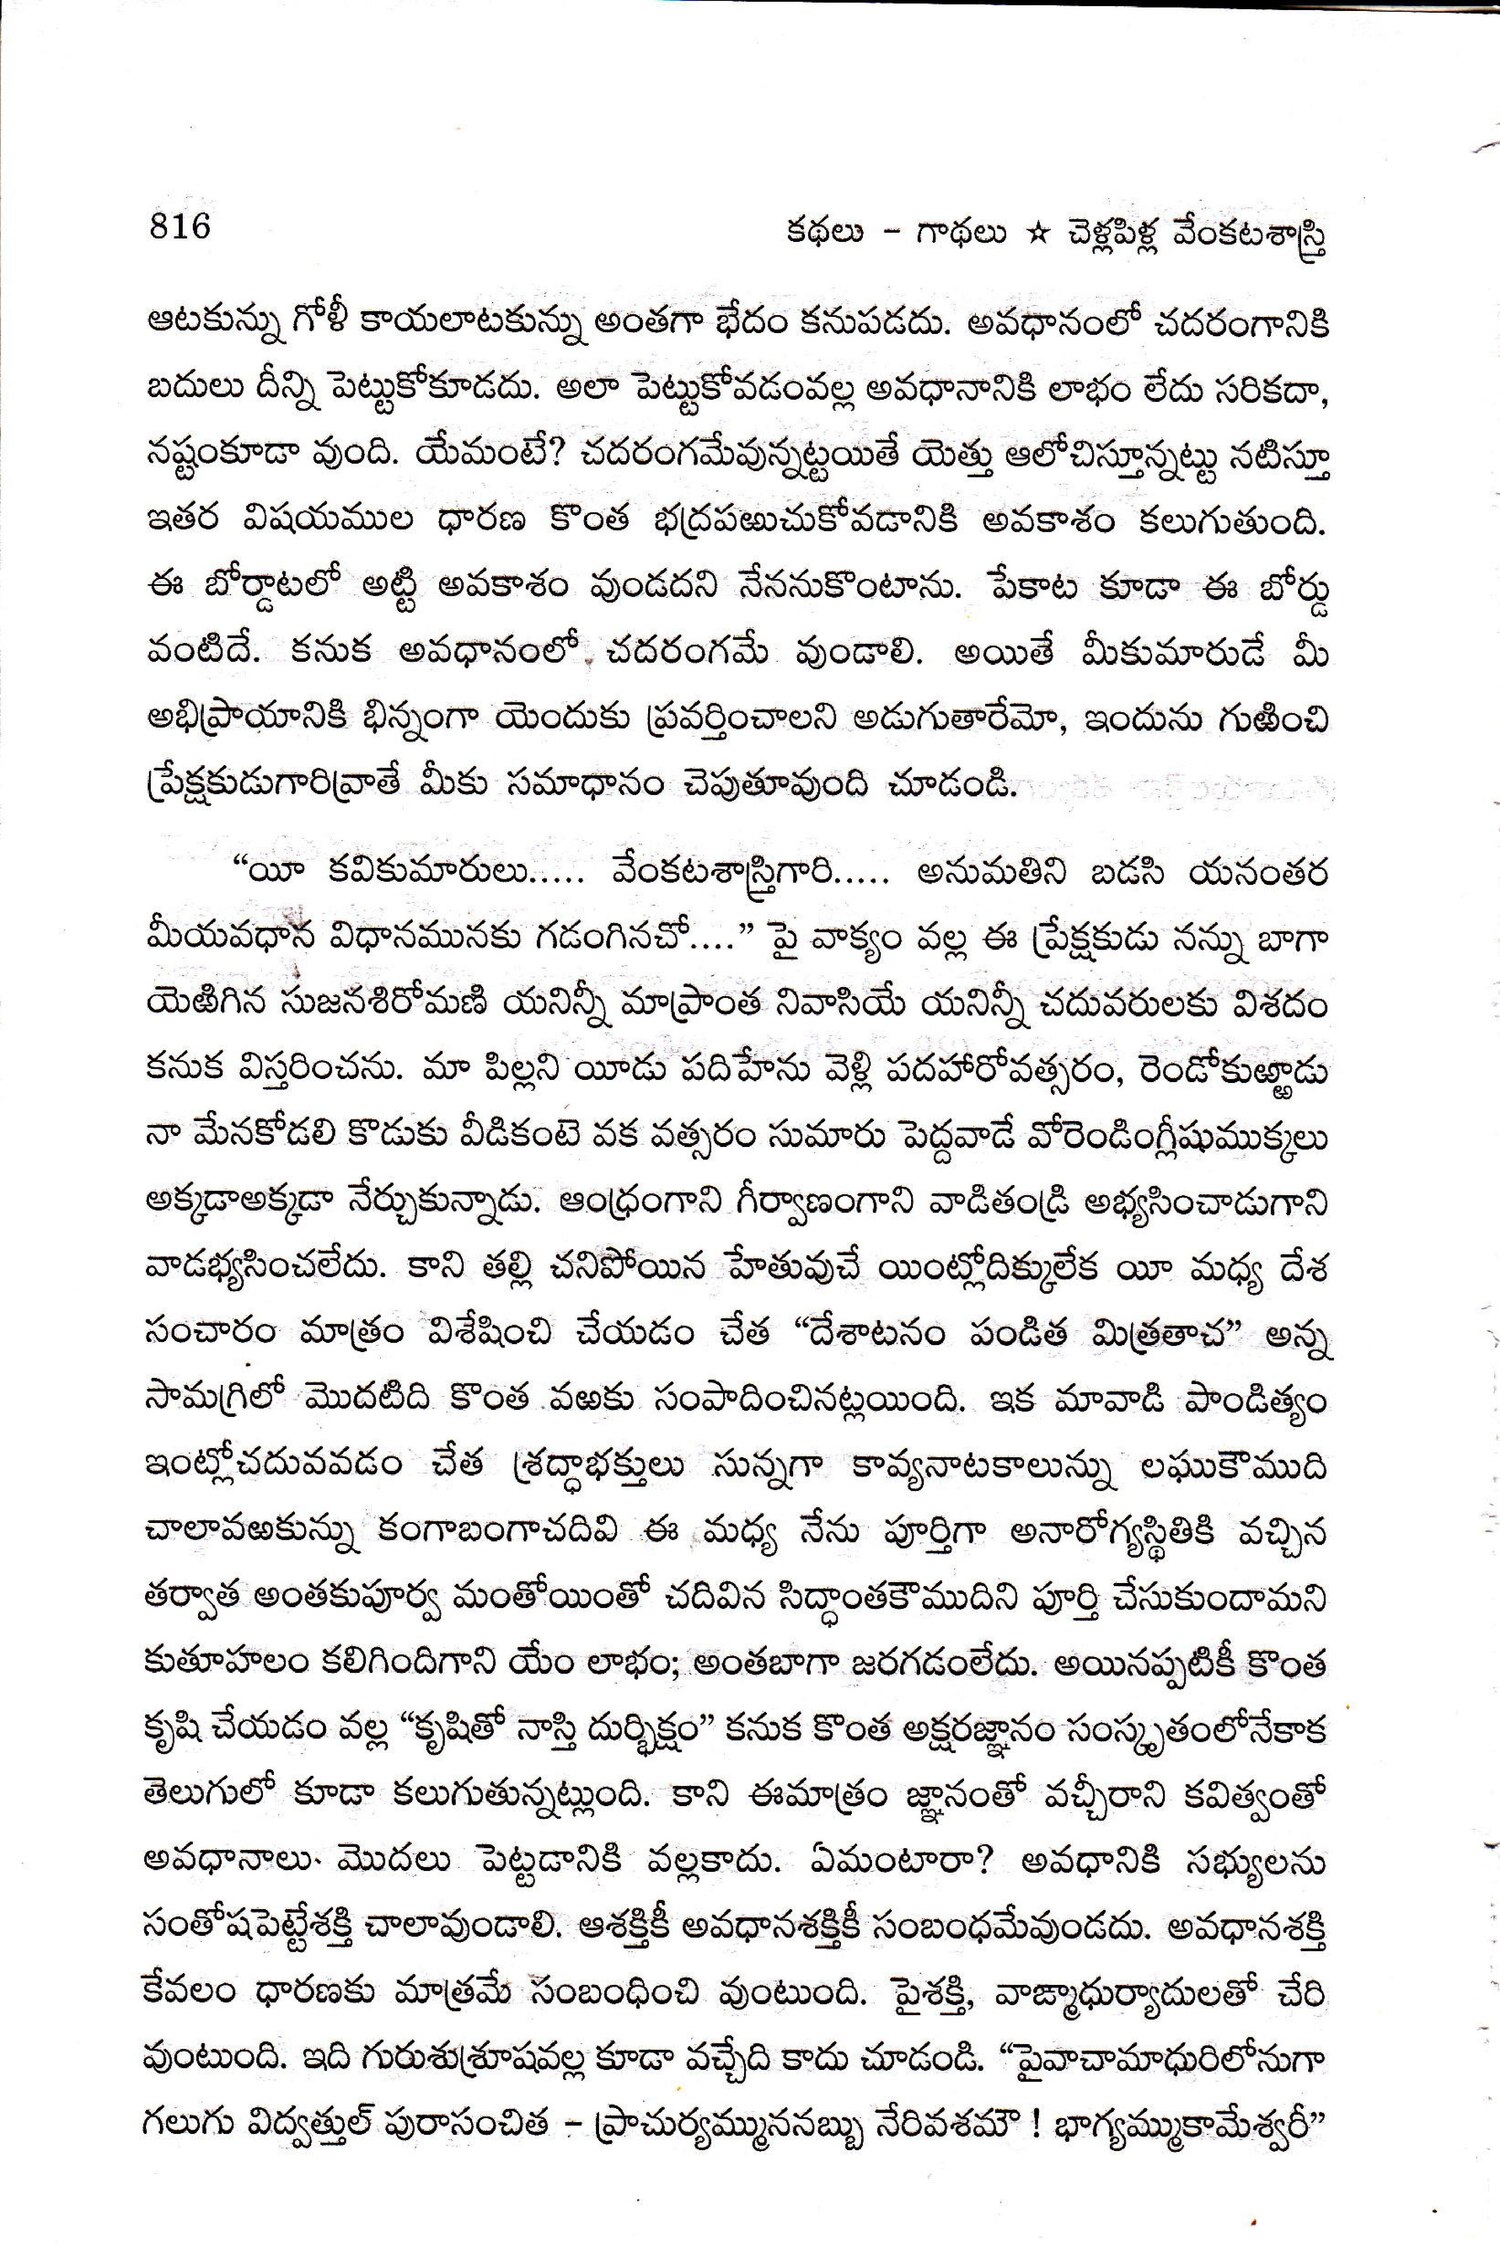ఆటకున్ను గోళీ కాయలాటకున్ను అంతగా భేదం కనుపడదు. అవధానంలో చదరంగానికి బదులు దీన్ని పెట్టుకోకూడదు. అలా పెట్టుకోవడంవల్ల అవధానానికి లాభం లేదు సరికదా, నష్టంకూడా వుంది. యేమంటే? చదరంగమేవున్నట్టయితే యెత్తు ఆలోచిస్తూన్నట్టు నటిస్తూ ఇతర విషయముల ధారణ కొంత భద్రపఱుచుకోవడానికి అవకాశం కలుగుతుంది. ఈ బోర్డాటలో అట్టి అవకాశం వుండదని నేననుకొంటాను. పేకాట కూడా ఈ బోర్డు వంటిదే. కనుక అవధానంలో, చదరంగమే వుండాలి. అయితే మీకుమారుడే మీ అభిప్రాయానికి భిన్నంగా యెందుకు ప్రవర్తించాలని అడుగుతారేమో, ఇందును గుఱించి ప్రేక్షకుడుగారివ్రాతే మీకు సమాధానం చెపుతూవుంది చూడండి.

"యీ కవికుమారులు. వేంకటశాస్త్రిగారి..... అనుమతిని బడసి యనంతర మీయవధాన విధానమునకు గడంగినచో...." పై వాక్యం వల్ల ఈ ప్రేక్షకుడు నన్ను బాగా యెఱిగిన సుజనశిరోమణి యనిన్నీ మాప్రాంత నివాసియే యనిన్నీ చదువరులకు విశదం కనుక విస్తరించను. మా పిల్లని యీడు పదిహేను వెళ్లి పదహారోవత్సరం, రెండోకుఱ్ఱాడు నా మేనకోడలి కొడుకు వీడికంటె వక వత్సరం సుమారు పెద్దవాడే వోరెండింగ్లీషుముక్కలు అక్కడాఅక్కడా నేర్చుకున్నాడు. ఆంధ్రంగాని గీర్వాణంగాని వాడితండ్రి అభ్యసించాడుగాని వాడభ్యసించలేదు. కాని తల్లి చనిపోయిన హేతువుచే యింట్లోదిక్కులేక యీ మధ్య దేశ సంచారం మాత్రం విశేషించి చేయడం చేత “దేశాటనం పండిత మిత్రతాచ” అన్న సామగ్రిలో మొదటిది కొంత వఱకు సంపాదించినట్లయింది. ఇక మావాడి పాండిత్యం ఇంట్లోచదువవడం చేత శ్రద్ధాభక్తులు సున్నగా కావ్యనాటకాలున్న లఘుకౌముది చాలావఱకున్ను కంగాబంగాచదివి ఈ మధ్య నేను పూర్తిగా అనారోగ్యస్థితికి వచ్చిన తర్వాత అంతకుపూర్వ మంతోయింతో చదివిన సిద్ధాంతకౌముదిని పూర్తి చేసుకుందామని కుతూహలం కలిగిందిగాని యేం లాభం; అంతబాగా జరగడంలేదు. అయినప్పటికీ కొంత కృషి చేయడం వల్ల "కృషితో నాస్తి దుర్భిక్షం" కనుక కొంత అక్షరజ్ఞానం సంస్కృతంలోనేకాక - తెలుగులో కూడా కలుగుతున్నట్లుంది. కాని ఈమాత్రం జ్ఞానంతో వచ్చీరాని కవిత్వంతో అవధానాలు మొదలు పెట్టడానికి వల్లకాదు. ఏమంటారా? అవధానికి సభ్యులను సంతోషపెట్టేశక్తి చాలావుండాలి. ఆశక్తికీ అవధానశక్తికీ సంబంధమేవుండదు. అవధానశక్తి కేవలం ధారణకు మాత్రమే సంబంధించి వుంటుంది. పైశక్తి, వాఙ్మాధుర్యాదులతో చేరి వుంటుంది. ఇది గురుశుశ్రూషవల్ల కూడా వచ్చేది కాదు చూడండి. పైవాచామాధురిలోనుగా గలుగు విద్వత్తుల్ పురాసంచిత - ప్రాచుర్యమ్ముననబ్బు నేరివశమౌ! భాగ్యమ్ముకామేశ్వరీ"